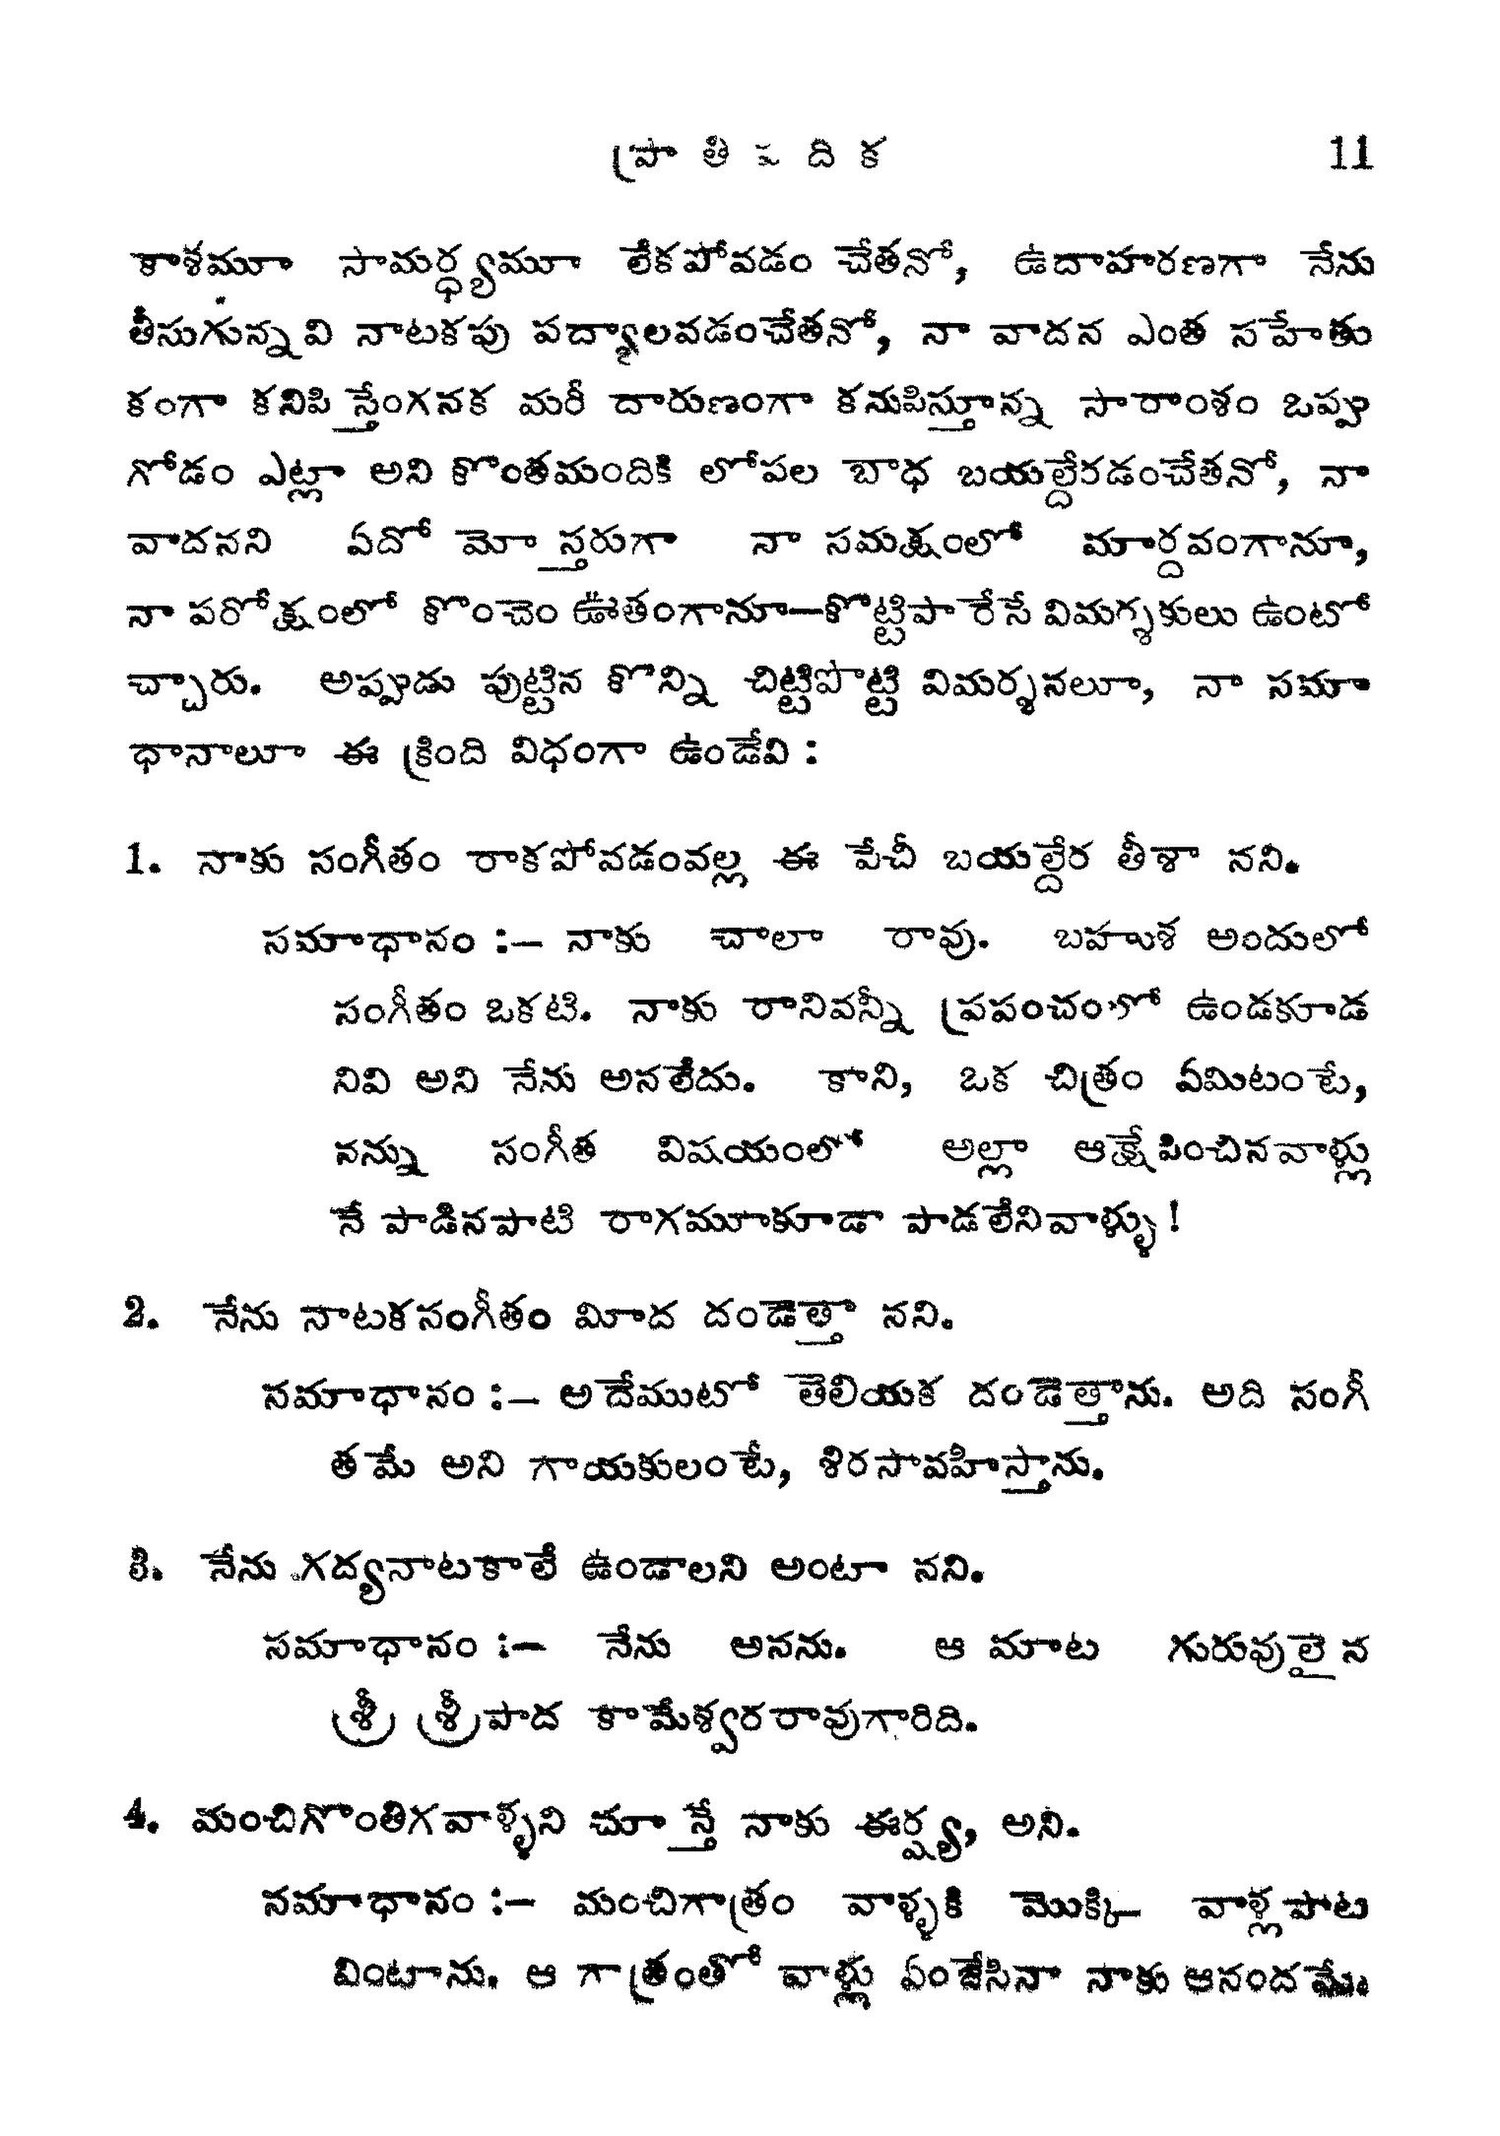కాశమూ సామర్ధ్యమూ లేకపోవడం చేతనో, ఉదాహరణగా నేను
తీసుగున్నవి నాటకపు పద్యాలవడంచేతనో, నా వాదన ఎంత సహేతు
కంగా కనిపిస్తేంగనక మరీ దారుణంగా కనుపిస్తూన్న సారాంశం ఒప్పు
గోడం ఎట్లా అని కొంతమందికి లోపల బాధ బయల్దేరడంచేతనో, నా
వాదనని ఏదో మోస్తరుగా నా సమక్షంలో మార్దవంగానూ,
నా పరోక్షంలో కొంచెం ఊతంగానూ - కొట్టిపారేసేవిమర్శకులు ఉంటో
చ్చారు. అప్పుడు పుట్టిన కొన్ని చిట్టిపొట్టి విమర్శనలూ, నా సమా
ధానాలూ ఈ క్రింది విధంగా ఉండేవి :

1. నాకు సంగీతం రాకపోవడంవల్ల ఈ పేచీ బయల్దేర తీశా నని.

సమాధానం :- నాకు చాలా రావు. బహుశ అందులో
సంగీతం ఒకటి. నాకు రానివన్నీ ప్రపంచంలో ఉండకూడ
నివి అని నేను అనలేదు. కాని, ఒక చిత్రం ఏమిటంటే,
నన్ను సంగీత విషయంలో అల్లా ఆక్షేపించినవాళ్లు
నే పాడినపాటి రాగమూకూడా పాడలేనివాళ్ళు !

2. నేను నాటకసంగీతం మీద దండెత్తా నని.

సమాధానం:- అదేముటో తెలియక దండెత్తాను. అది సంగీ
తమే అని గాయకులంటే, శిరసావహిస్తాను.

కి. నేను గద్యనాటకాలే ఉండాలని అంటా నని.

సమాధానం :- నేను అనను. ఆ మాట గురువులైన
శ్రీ శ్రీపాద కామేశ్వరరావుగారిది.

4. మంచిగొంతిగవాళ్ళని చూస్తే నాకు ఈర్ష్య, అని.

నమాధానం :- మంచిగాత్రం వాళ్ళకి మొక్కి వాళ్లపాట
వింటాను. ఆ గాత్రంతో వాళ్లు ఏంజేసినా నాకు ఆనందమే.